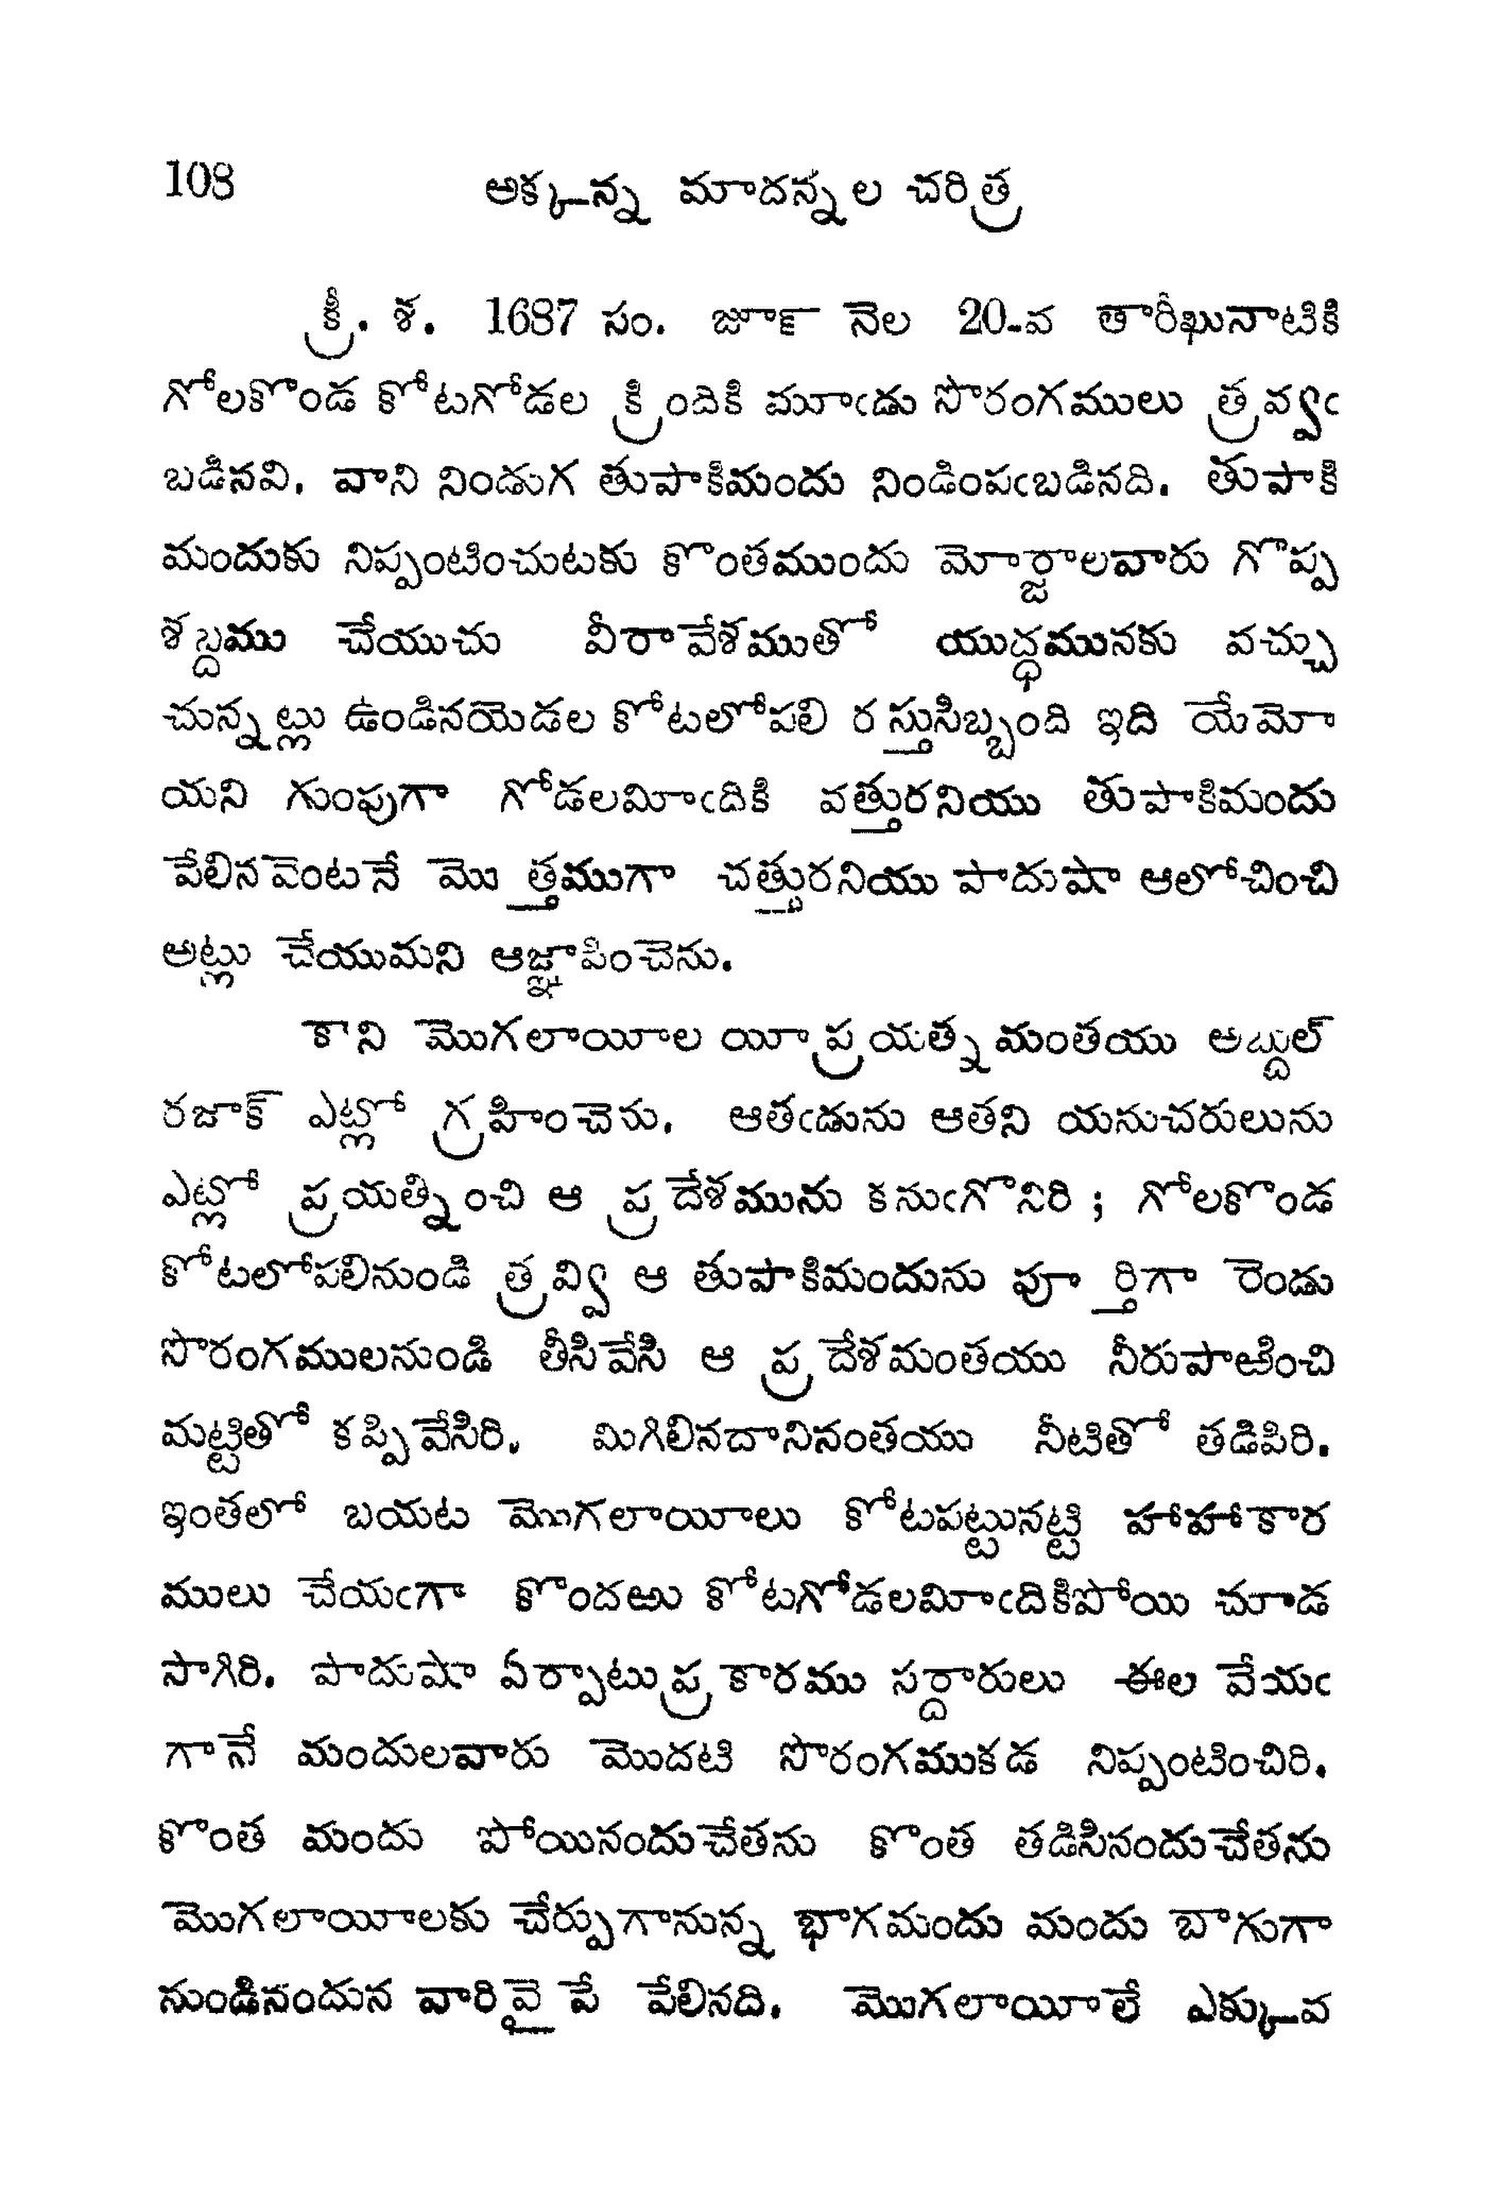క్రీ. శ. 1687 సం. జూౝ నెల 20-వ తారీఖునాటికి గోలకొండ కోటగోడల క్రిందికి మూఁడు సొరంగములు త్రవ్వఁబడినవి. వాని నిండుగ తుపాకిమందు నిండింపఁబడినది. తుపాకి మందుకు నిప్పంటించుటకు కొంతముందు మోర్జాలవారు గొప్ప శబ్దము చేయుచు వీరావేశముతో యుద్ధమునకు వచ్చుచున్నట్లు ఉండినయెడల కోటలోపలి రస్తుసిబ్బంది ఇది యేవెూ యని గుంపుగా గోడలమీఁదికి వత్తురనియు తుపాకిమందు పేలినవెంటనే మొత్తముగా చత్తురనియు పాదుషా ఆలోచించి అట్లు చేయుమని ఆజ్ఞాపించెను.

కాని మొగలాయీల యీప్రయత్నమంతయు అబ్దుల్ రజాక్ ఎట్లో గ్రహించెను. ఆతఁడును ఆతని యనుచరులును ఎట్లో ప్రయత్నించి ఆ ప్రదేశమును కనుఁగొనిరి; గోలకొండ కోటలోపలినుండి త్రవ్వి ఆ తుపాకిమందును పూర్తిగా రెండు సొరంగములనుండి తీసివేసి ఆ ప్రదేశమంతయు నీరుపాఱించి మట్టితో కప్పివేసిరి. మిగిలినదానినంతయు నీటితో తడిపిరి. ఇంతలో బయట మొగలాయీలు కోటపట్టునట్టి హాహాకారములు చేయఁగా కొందఱు కోటగోడలమీఁదికిపోయి చూడసాగిరి. పాదుషా ఏర్పాటుప్రకారము సర్దారులు ఈల వేయఁగానే మందులవారు మొదటి సొరంగముకడ నిప్పంటించిరి కొంత మందు పోయినందుచేతను కొంత తడిసినందుచేతను మొగలాయీలకు చేర్పుగానున్న భాగమందు మందు బాగుగా నుండినందున వారివైపే పేలినది. మొగలాయీలే ఎక్కువ